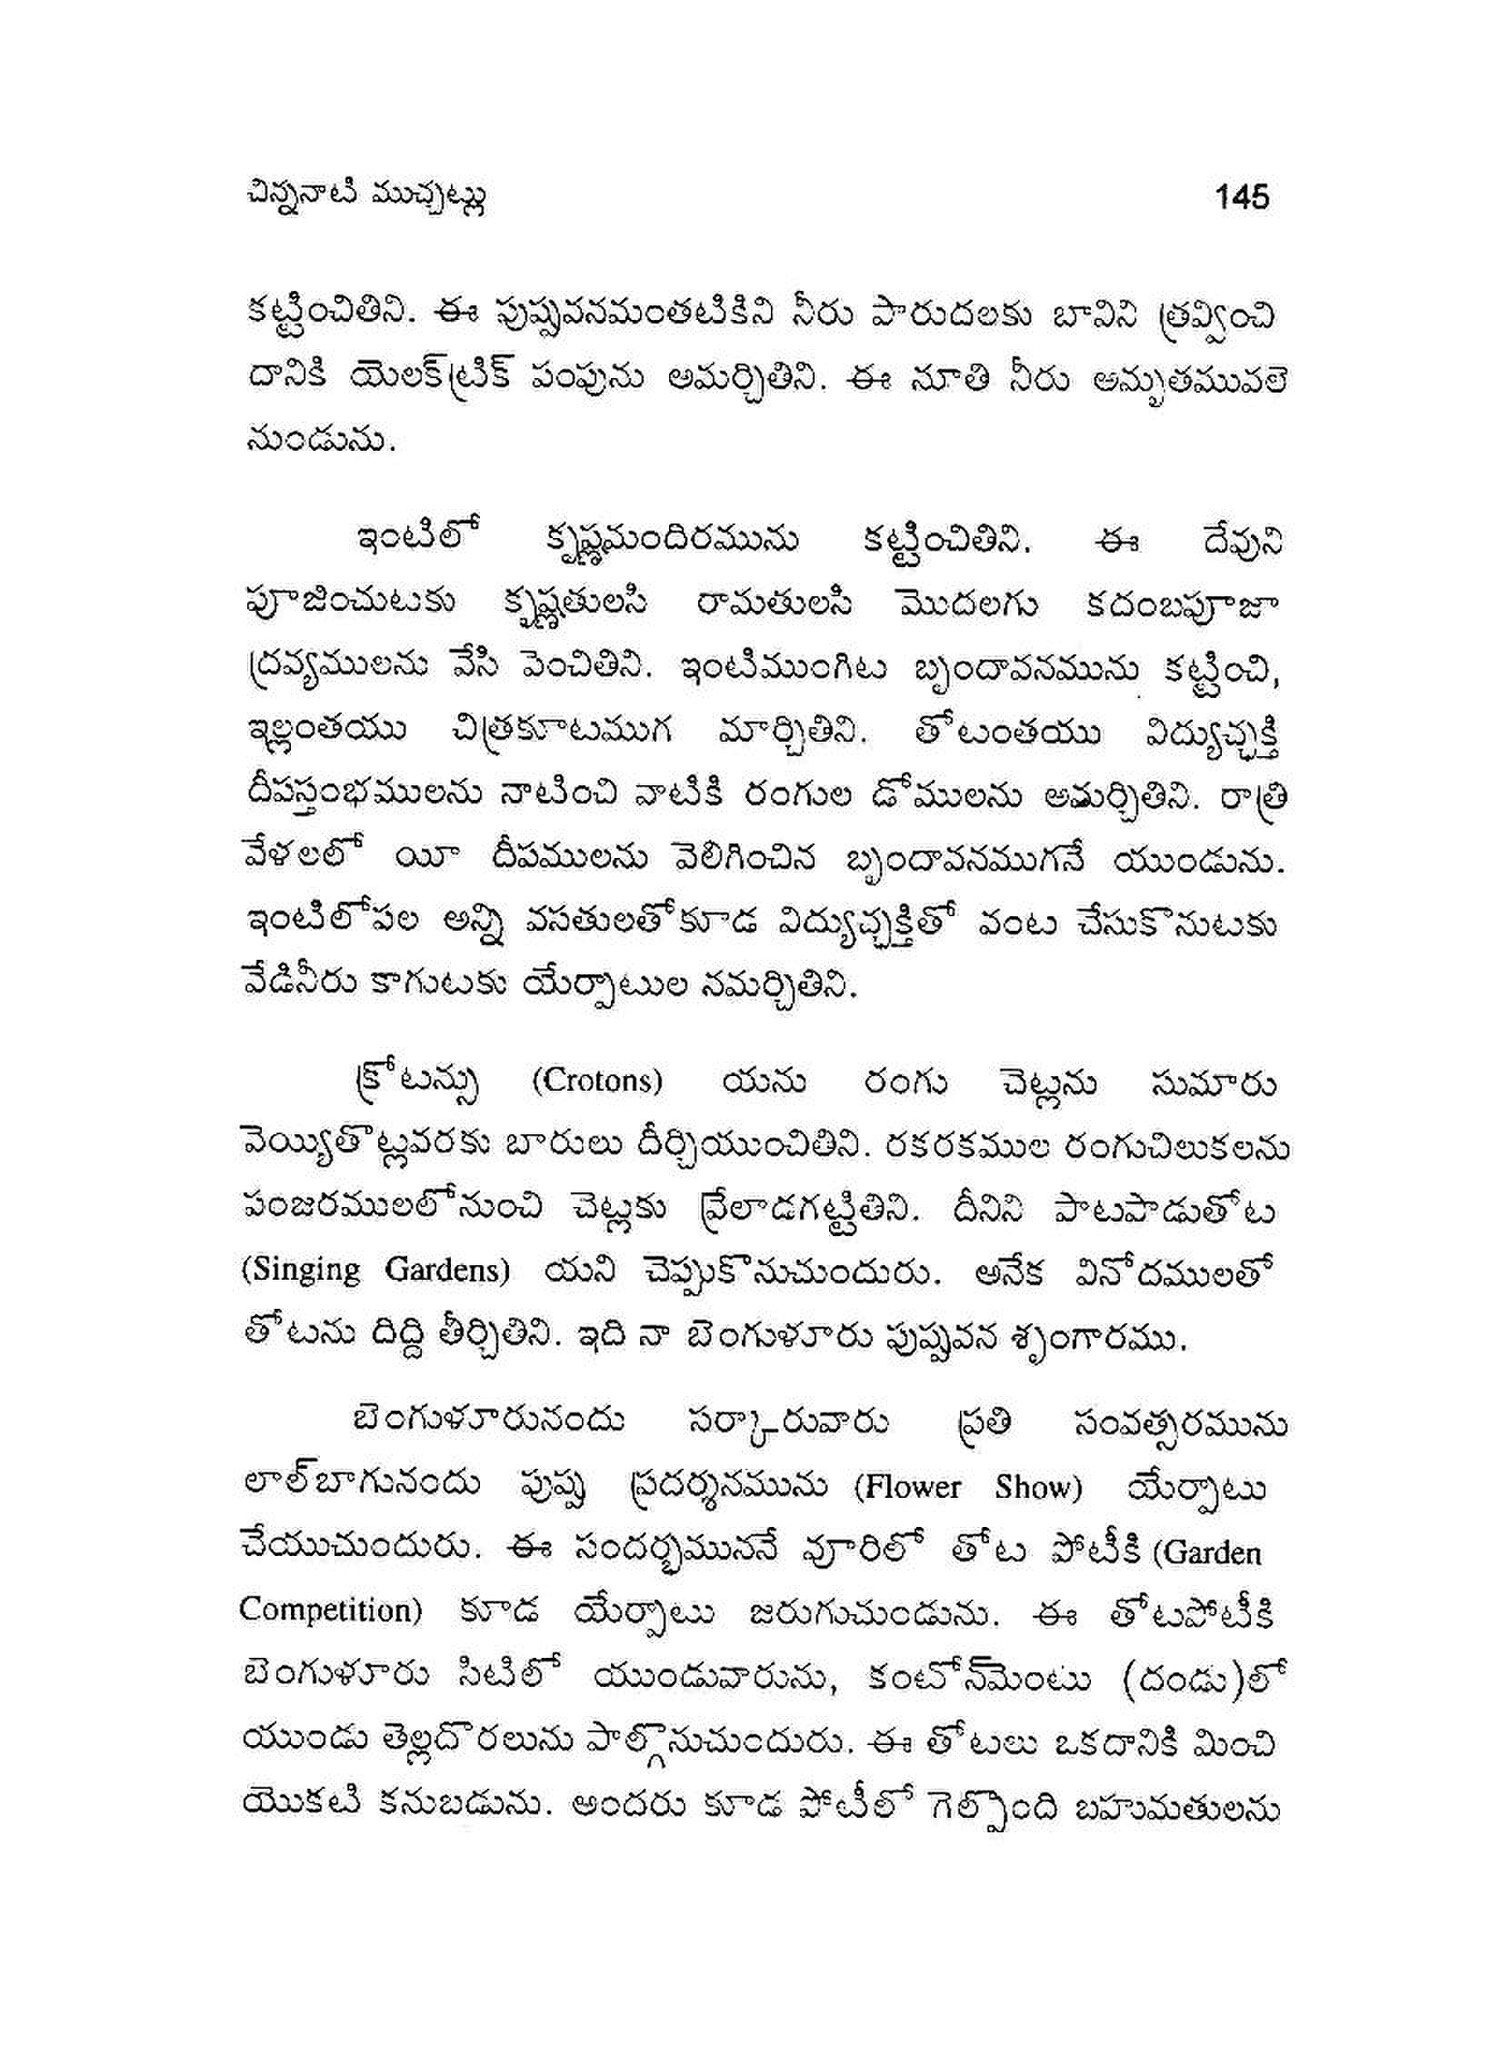కట్టించితిని. ఈ పుష్పవనమంతటికిని నీరు పారుదలకు బావిని త్రవ్వించి దానికి యెలక్ట్రిక్ పంపును అమర్చితిని. ఈ నూతి నీరు అమృతమువలె నుండును.

ఇంటిలో కృష్ణమందిరమును కట్టించితిని. ఈ దేవుని పూజించుటకు కృష్ణతులసి రామతులసి మొదలగు కదంబపూజా ద్రవ్యములను వేసి పెంచితిని. ఇంటిముంగిట బృందావనమును కట్టించి, ఇల్లంతయు చిత్రకూటముగ మార్చితిని. తోటంతయు విద్యుచ్ఛక్తి దీపస్తంభములను నాటించి వాటికి రంగుల డోములను అమర్చితిని. రాత్రి వేళలలో యీ దీపములను వెలిగించిన బృందావనముగనే యుండును. ఇంటిలోపల అన్ని వసతులతో కూడ విద్యుచ్చక్తితో వంట చేసుకొనుటకు వేడినీరు కాగుటకు యేర్పాటుల నమర్చితిని.

క్రోటన్సు (Crotons) యను రంగు చెట్టను సుమారు వెయ్యి తొట్లవరకు బారులు దీర్చియుంచితిని. రకరకముల రంగుచిలుకలను పంజరములలోనుంచి చెట్లకు వ్రేలాడగట్టితిని. దీనిని పాటపాడుతోట (Singing Gardens) యని చెప్పుకొనుచుందురు. అనేక వినోదములతో తోటను దిద్ది తీర్చితిని. ఇది నా బెంగుళూరు పుష్పవన శృంగారము.

బెంగుళూరునందు సర్కారువారు ప్రతి సంవత్సరమును లాల్బాగునందు పుప్ప ప్రదర్శనమును (Flower Show) యేర్పాటు చేయుచుందురు. ఈ సందర్భముననే వూరిలో తోట పోటీకి (Garden Competition) కూడ యేర్పాటు జరుగుచుండును. ఈ తోటపోటీకి బెంగుళూరు సిటిలో యుండువారును, కంట్రోన్మెంటు (దండు)లో యుండు తెల్లదొరలును పాల్గొనుచుందురు. ఈ తోటలు ఒకదానికి మించి యొకటి కనుబడును. అందరు కూడ పోటీలో గెల్పొంది బహుమతులను